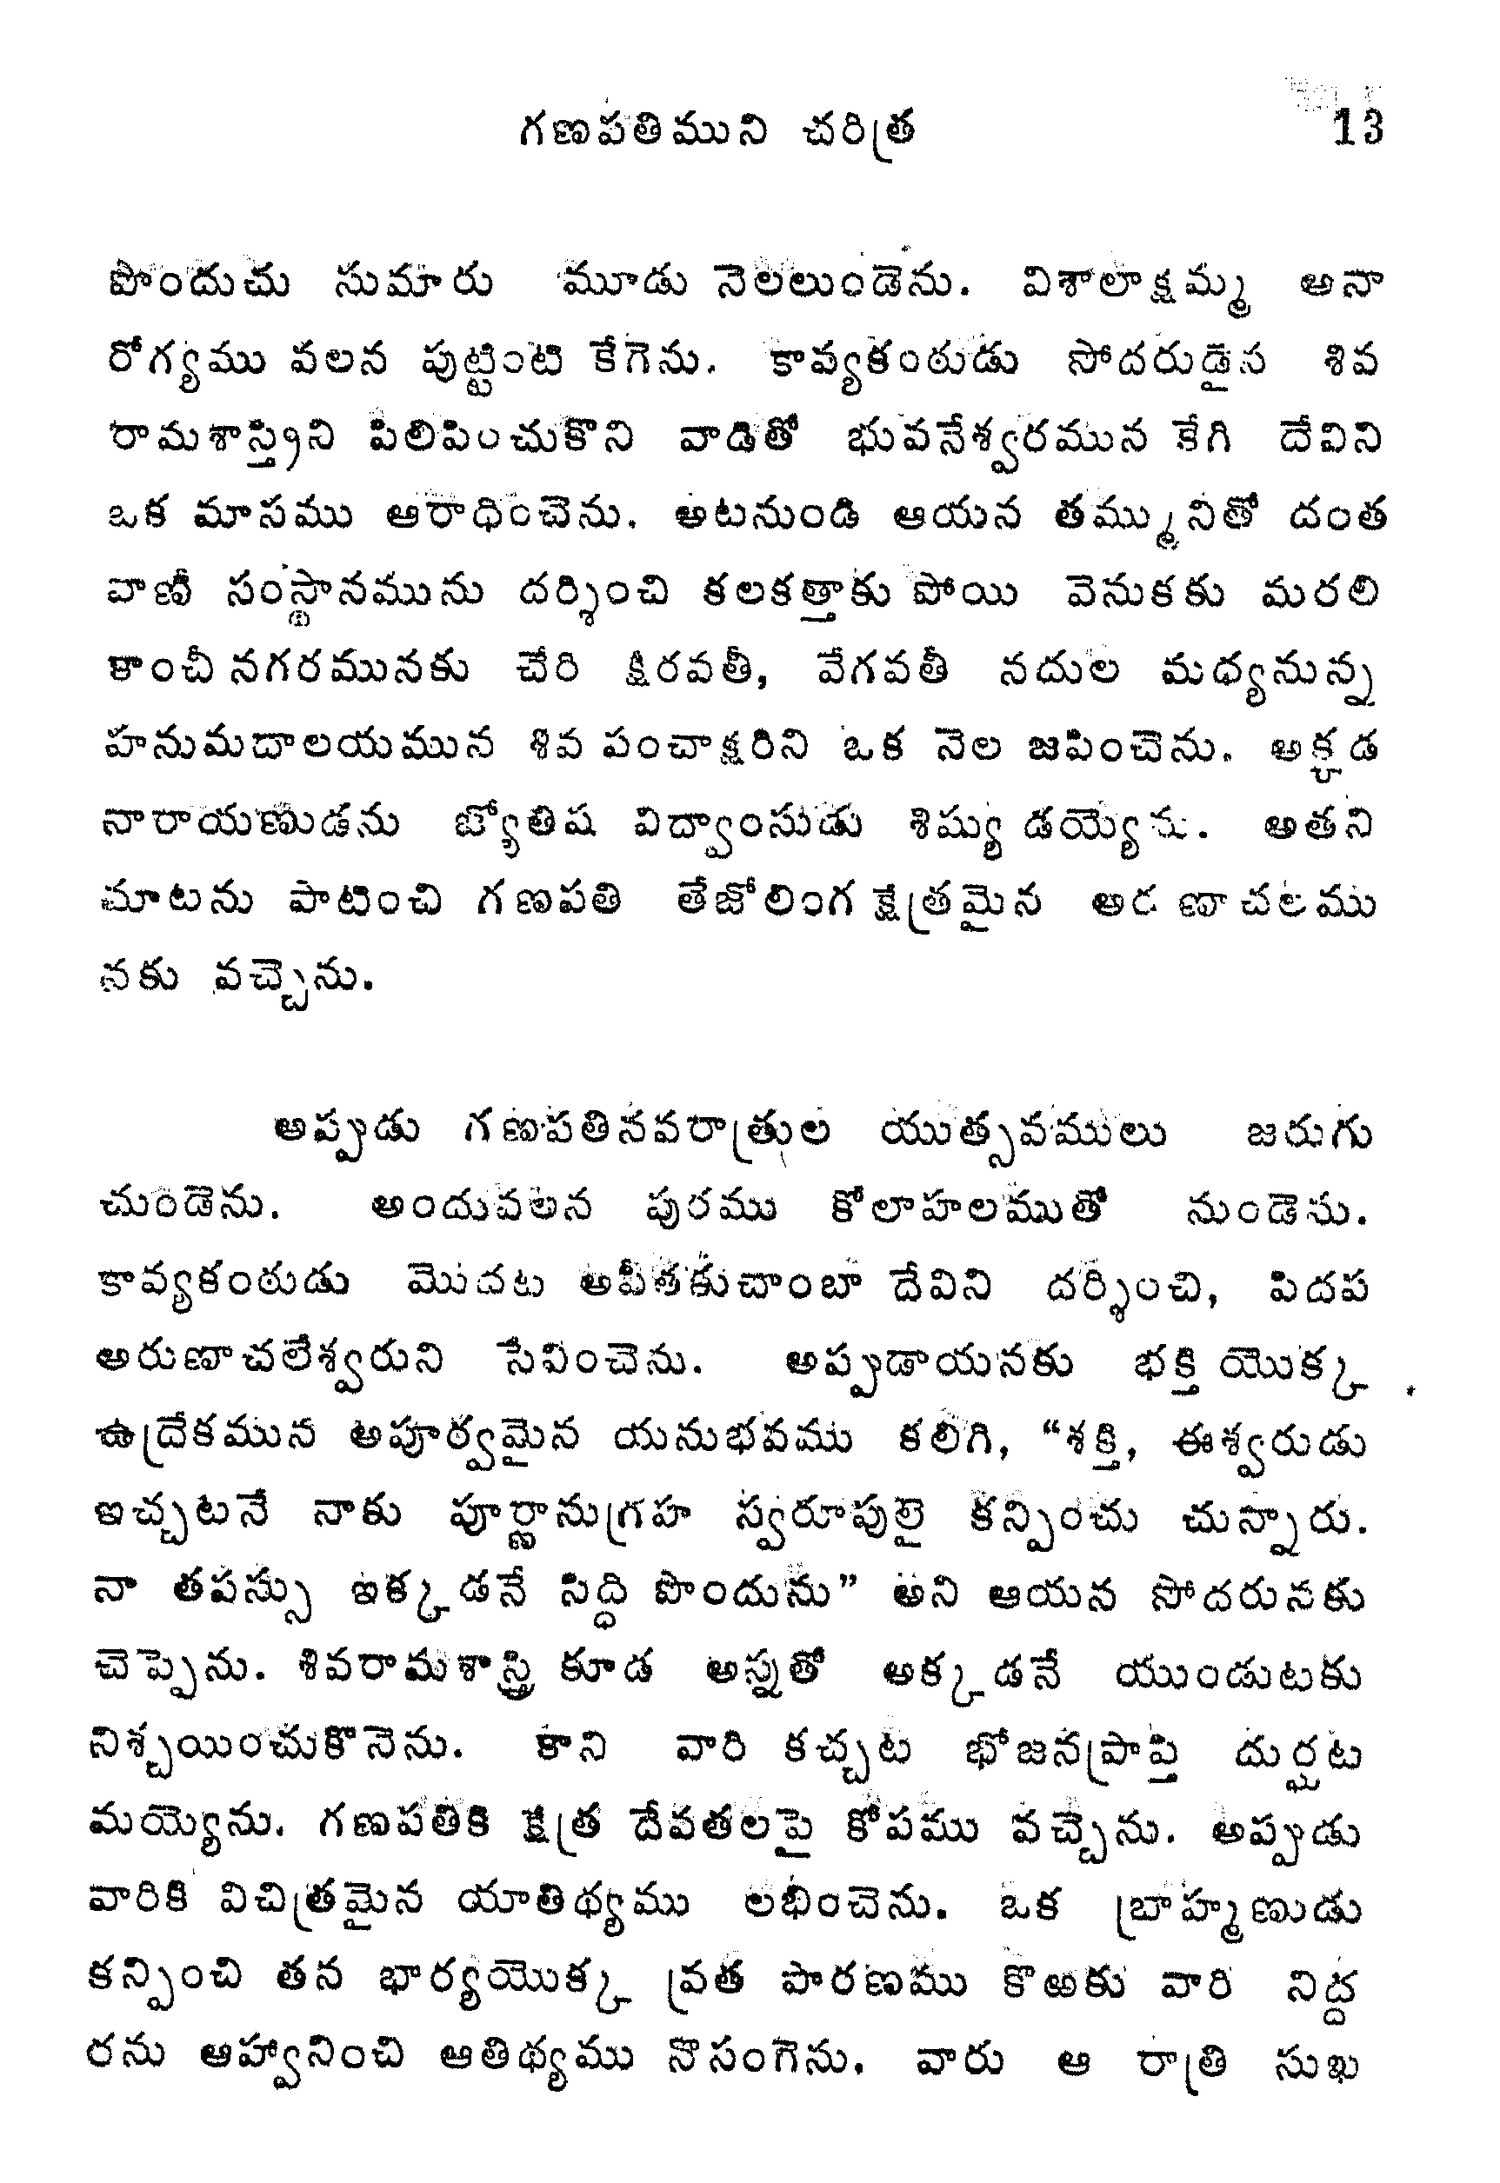పొందుచు సుమారు మూడు నెలలుండెను. విశాలాక్షమ్మ అనారోగ్యము వలన పుట్టింటి కేగెను. కావ్యకంఠుడు సోదరుడైన శివరామశాస్త్రిని పిలిపించుకొని వాడితో భువనేశ్వరమున కేగి దేవిని ఒక మాసము ఆరాధించెను. అటనుండి ఆయన తమ్మునితో దంతవాణి సంస్థానమును దర్శించి కలకత్తాకు పోయి వెనుకకు మరలి కాంచీ నగరమునకు చేరి క్షీరవతీ, వేగవతీ నదుల మధ్యనున్న హనుమదాలయమున శివ పంచాక్షరిని ఒక నెల జపించెను. అక్కడ నారాయణుడను జ్యోతిష విద్వాంసుడు శిష్యుడయ్యెను. అతని మాటను పాటించి గణపతి తేజోలింగక్షేత్రమైన అరణాచలమునకు వచ్చెను.

అప్పుడు గణపతినవరాత్రుల యుత్సవములు జరుగు చుండెను. అందువలన పురము కోలాహలముతో నుండెను. కావ్యకంఠుడు మొదట అపితకుచాంబా దేవిని దర్శించి, పిదప అరుణాచలేశ్వరుని సేవించెను. అప్పుడాయనకు భక్తి యొక్క ఉద్రేకమున అపూర్వమైన యనుభవము కలిగి, "శక్తి, ఈశ్వరుడు ఇచ్చటనే నాకు పూర్ణానుగ్రహ స్వరూపులై కన్పించు చున్నారు. నా తపస్సు ఇక్కడనే సిద్ధి పొందును." అని ఆయన సోదరునకు చెప్పెను. శివరామశాస్త్రి కూడ అన్నతో అక్కడనే యుండుటకు నిశ్చయించుకొనెను. కాని వారి కచ్చట భోజనప్రాప్తి దుర్ఘటమయ్యెను. గణపతికి క్షేత్ర దేవతలపై కోపము వచ్చెను. అప్పుడు వారికి విచిత్రమైన యాతిథ్యము లభించెను. ఒక బ్రాహ్మణుడు కన్పించి తన భార్యయొక్క వ్రత పారణము కొఱకు వారి నిద్దరను ఆహ్వానించి ఆతిథ్యము నొసంగెను. వారు ఆ రాత్రి సుఖ